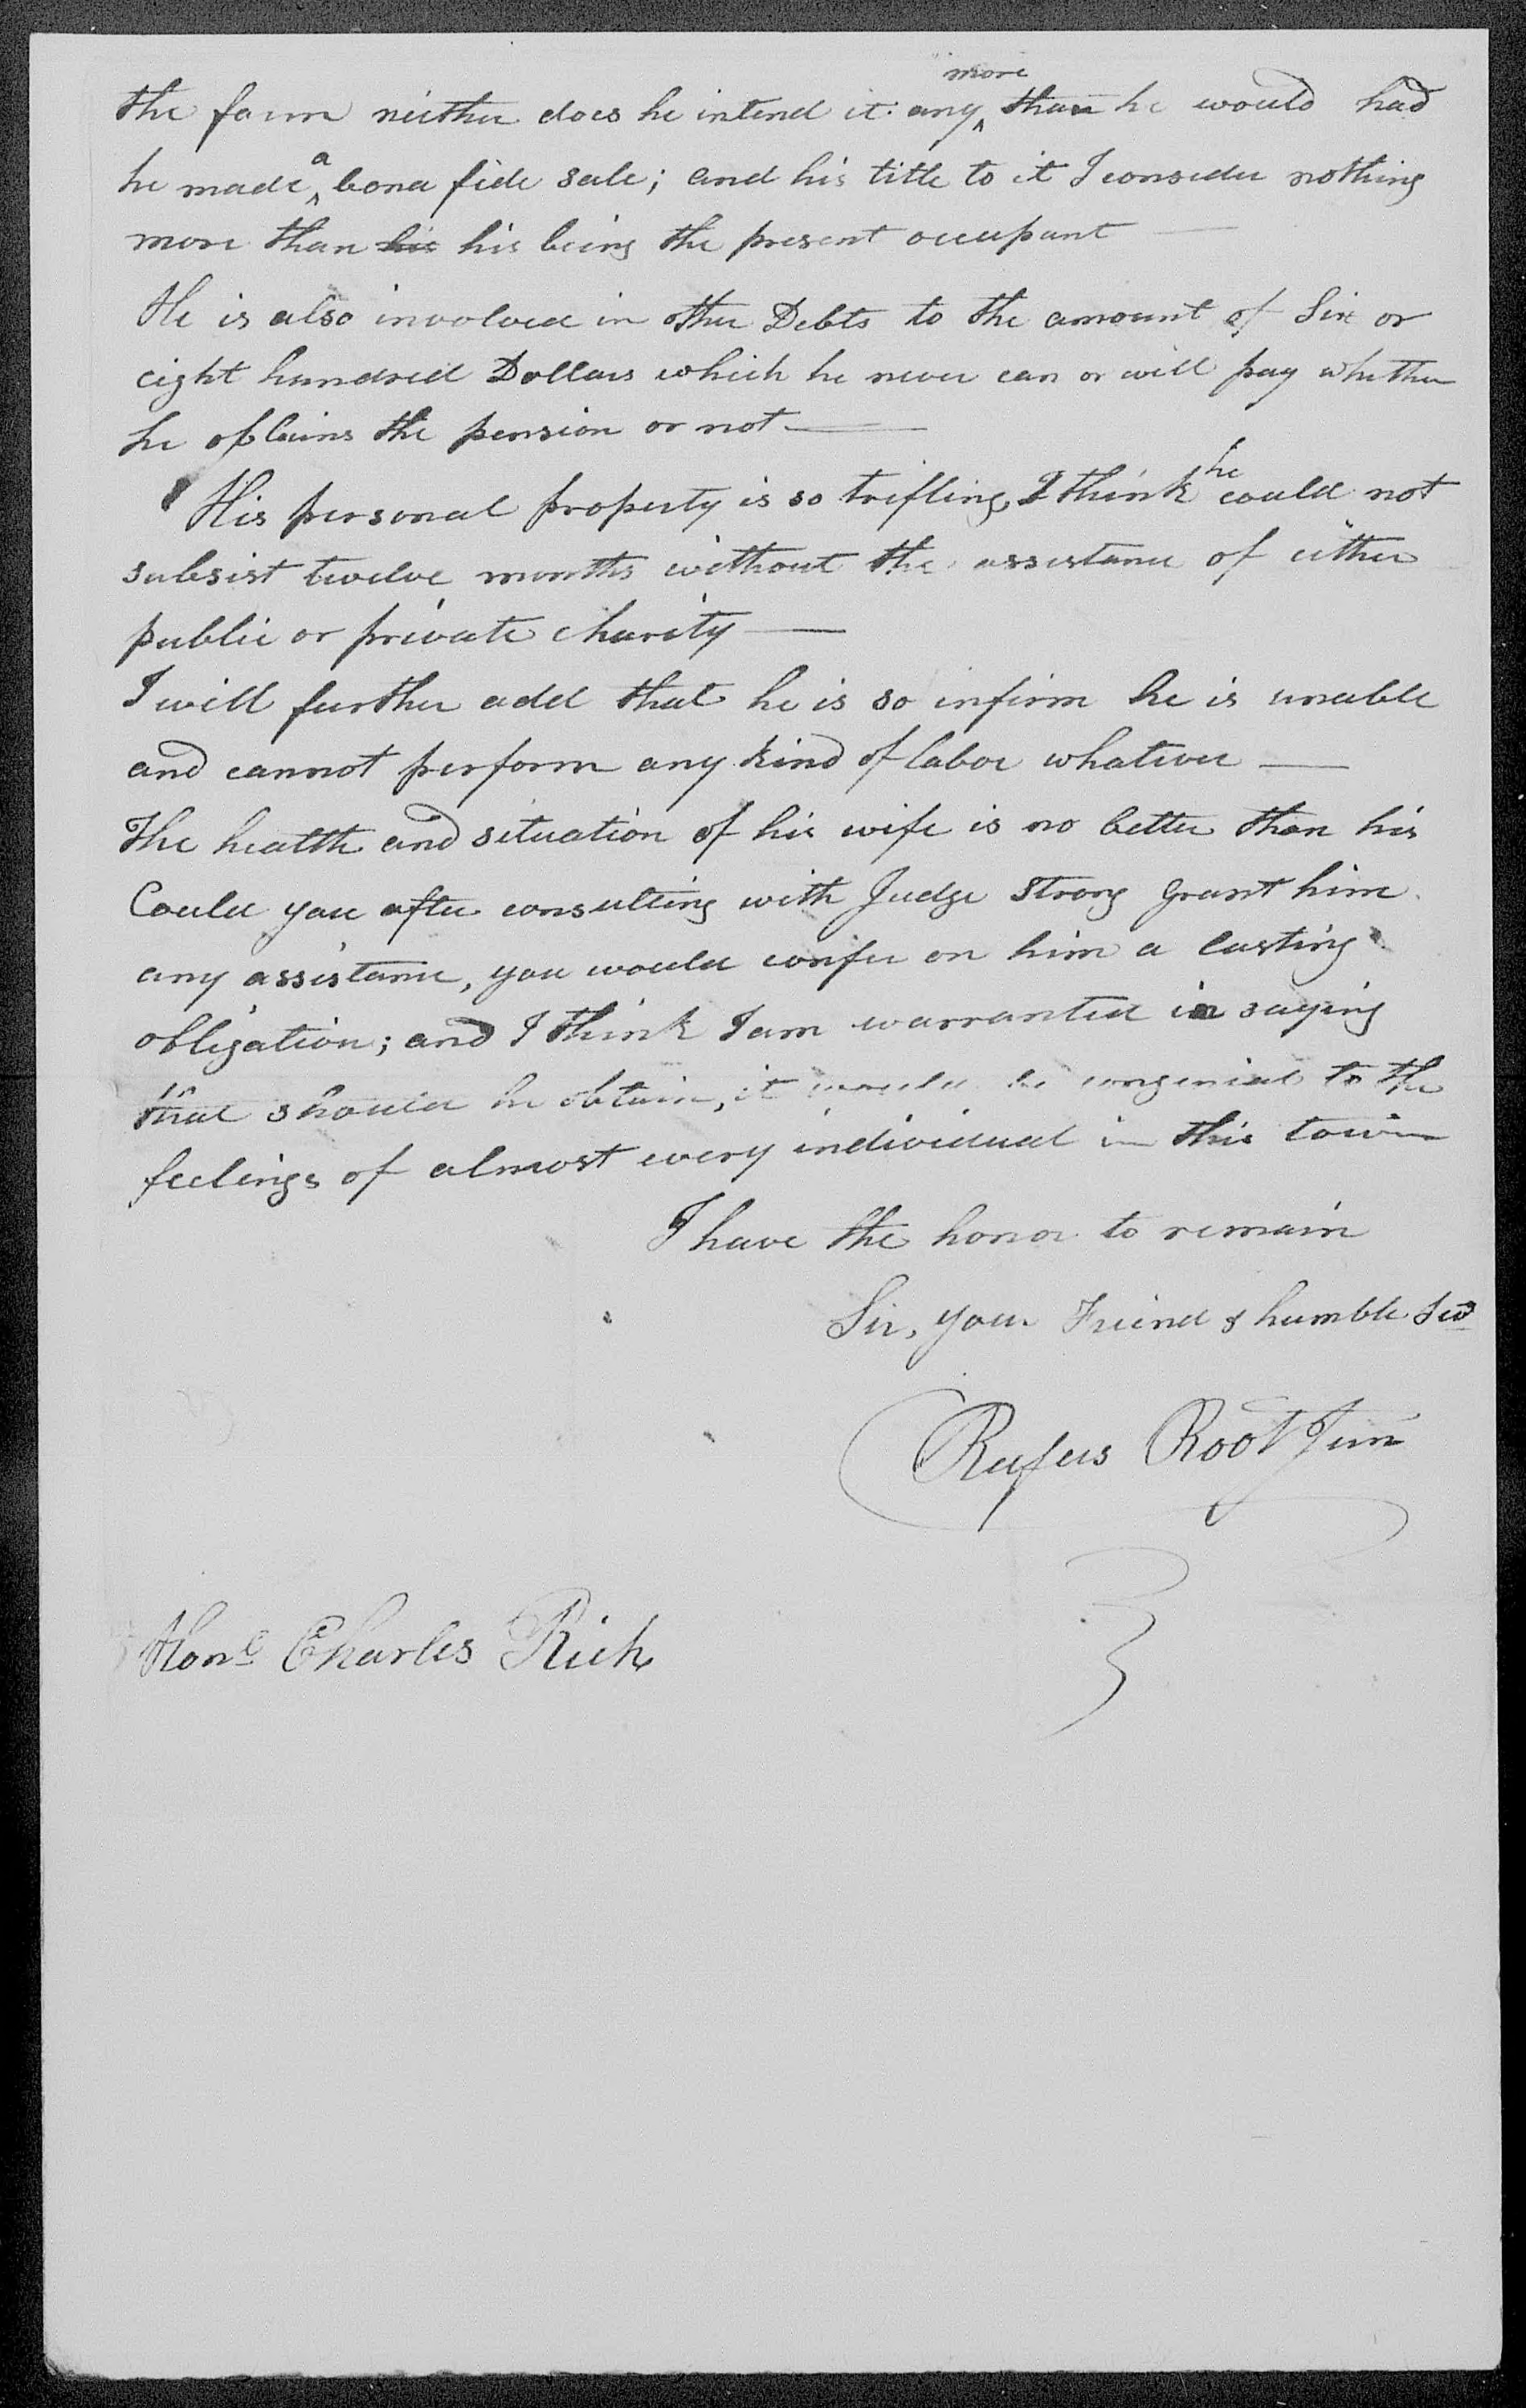the form neither does he intend it any more than he would had he made a bona fide sale; and his title to it I consider nothing more than his being the present occupant. 
He is also involved in other Debts to the amount of six or eight hundred dollars which he never can or will pay whether he obtains the pension or not. 
His personal property is so trifling I think he could not subsist twelve months without the assistance of either public or private charity.
I will further add that he is so infirm he is unable and cannot perform any kind of labor whatever. The health and situation of his wife is no better than his. Could you after consulting with Judge Strong grant him any assistance, you would confer on him a lasting obligation; and I think I am warranted in saying that should he obtain it would be congenial to the feelings of almost every individual in this town. 
I have the honor to remain
Sir, your Friend and humble sev.
Rufus Root Jun

Hon. Charles Rich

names: Charles Rich, Rufus Root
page: 21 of 83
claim: widow's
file: W. 10,384, Oliver Barrett, Continental (Vt.) N.Y.